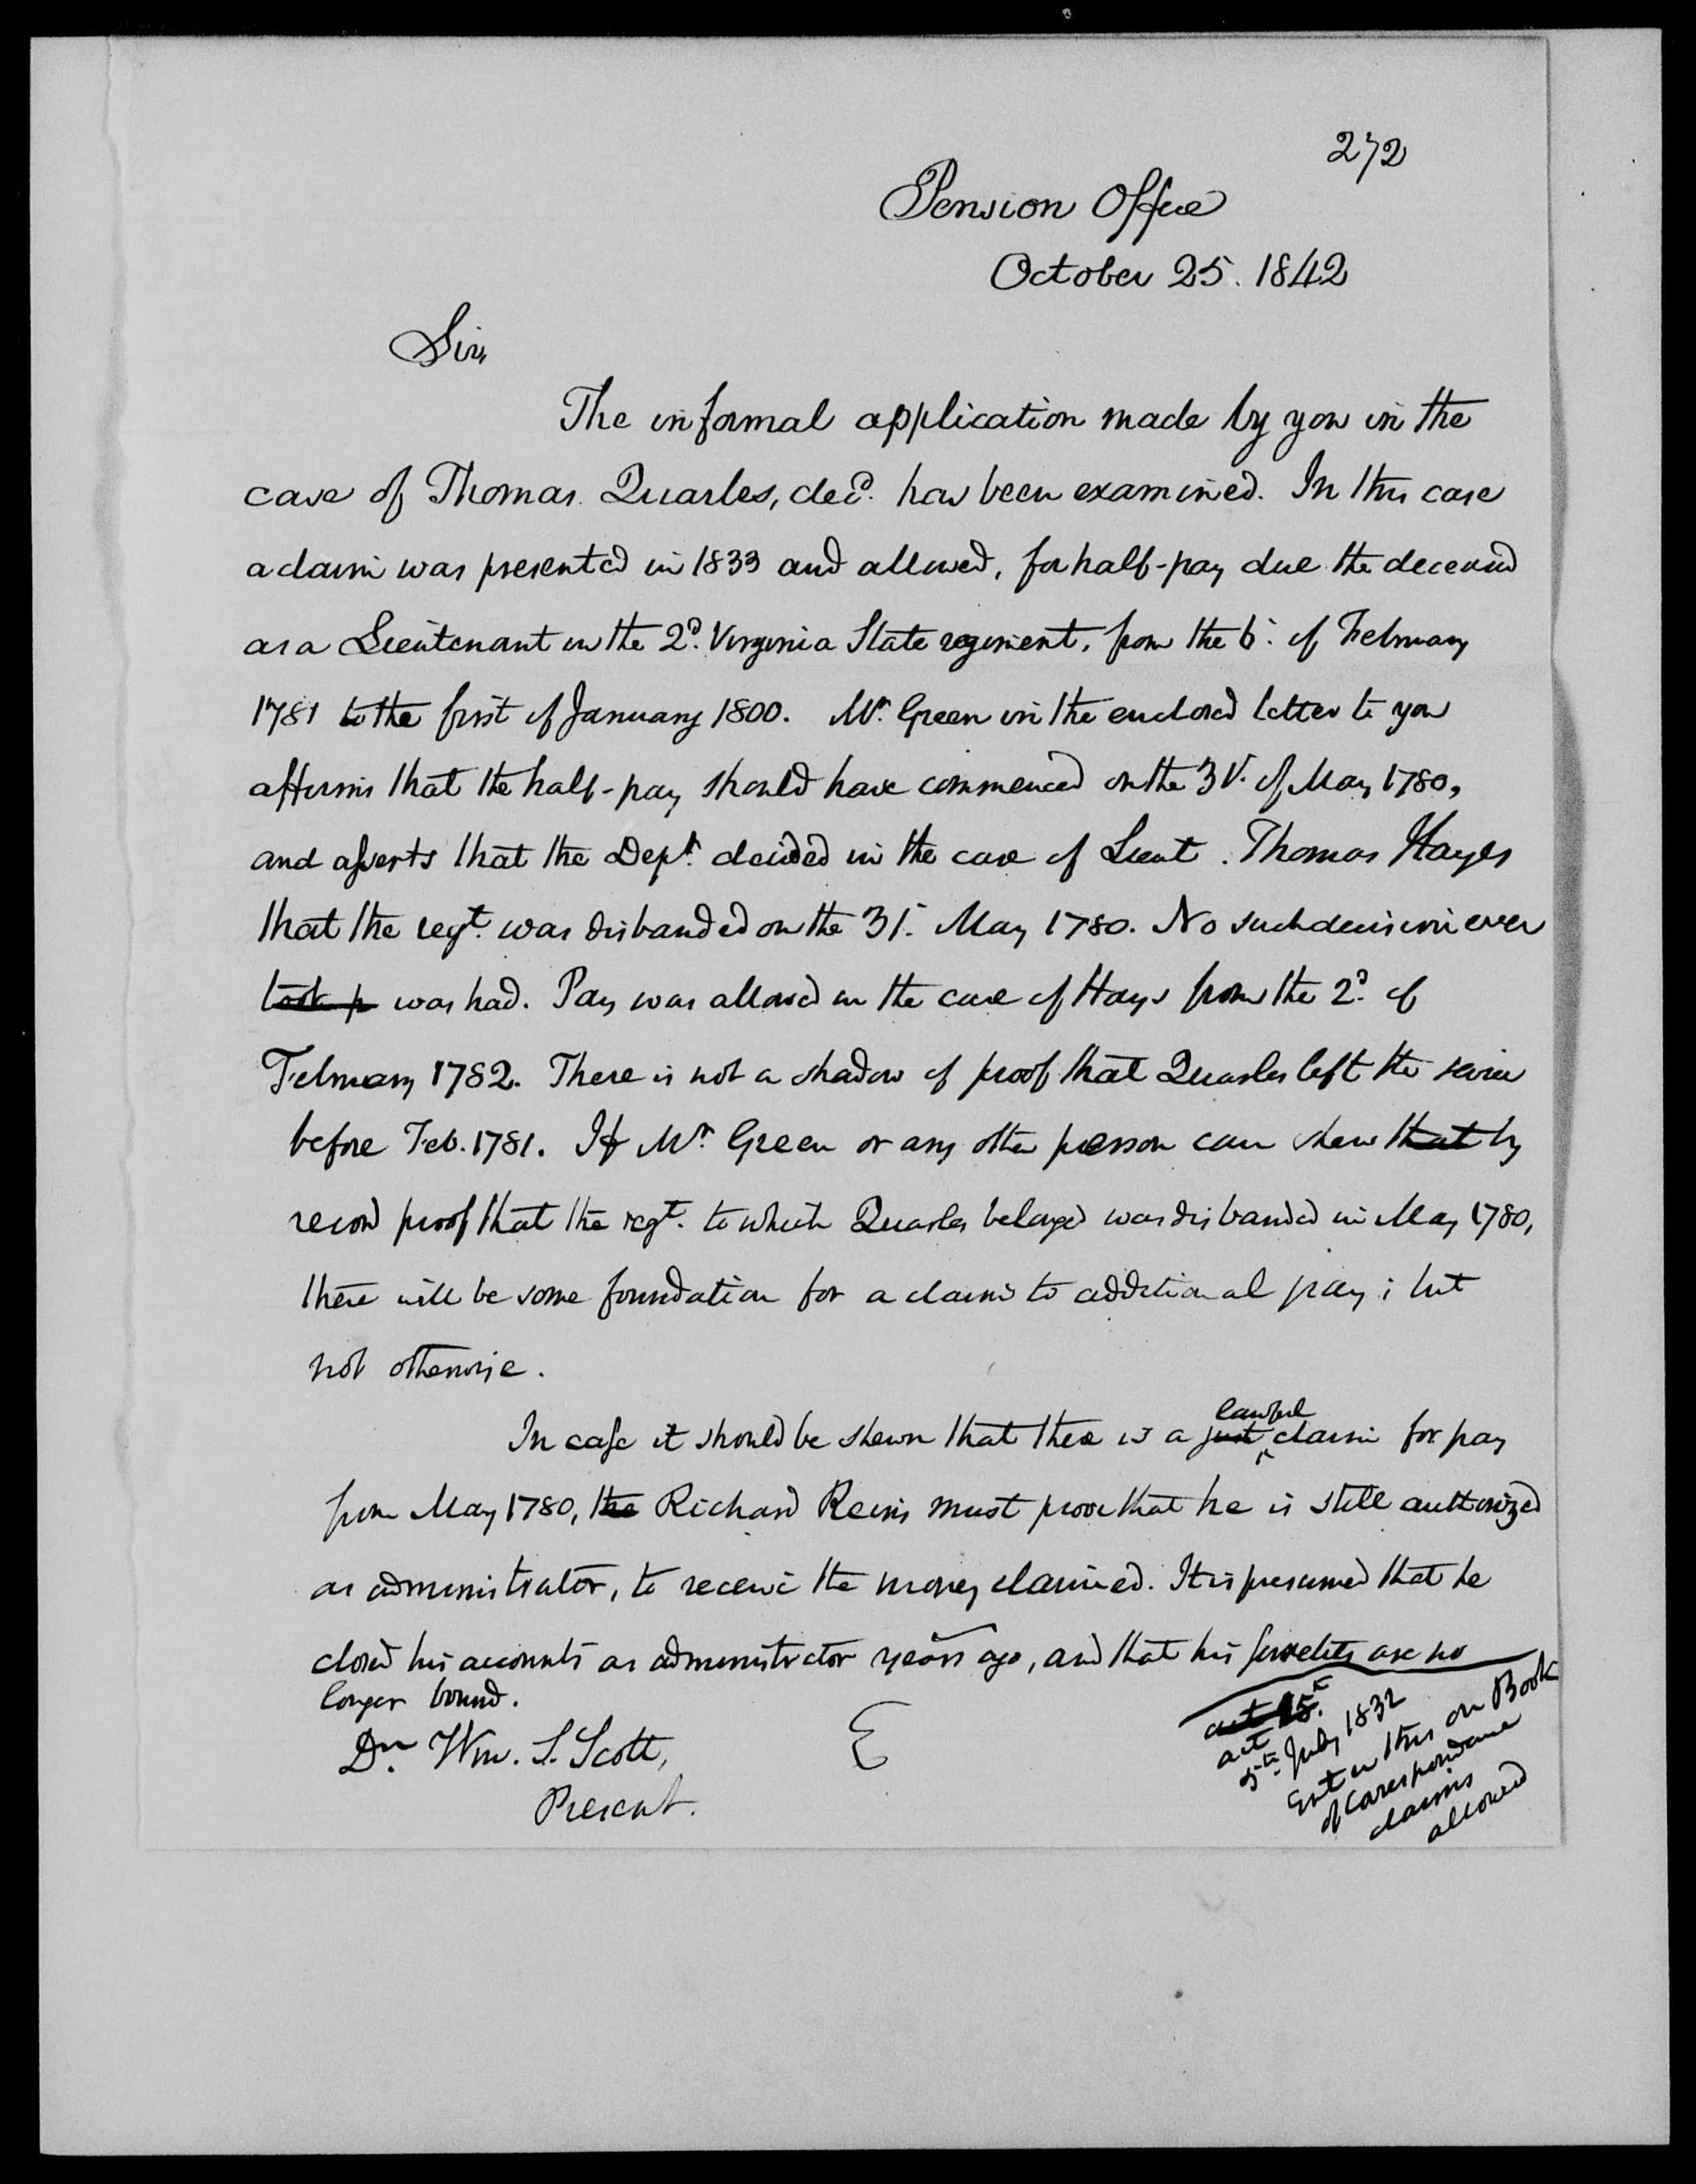2/2
Pension Office
October 25. 1842
Sir
The informal application made by you in the case of Thomas Quarles, decd. has been 
examined. In this case a claim was presented in 1833 and allowed, for half-pay due the 
deceased as a Lieutenant with 2d. Virginia State regiment, from the 6: of February 
1781 to the first of January 1800. W. Green in the enclosed letter to you affirms that the half-pay
should have commenced on the 31. of May 1780, and asserts that the Dept. decided in the 
case of Lieut Thomas Hayes that the regt. was disbanded on the 31 May 1780. No such decision ever [stricken text] was had. Pay was allowed as the case of Hays from the 2d. of February 1782. There is not a shadow of proof that Quarles left the service before Feb. 1781. If W. Green or any other person can show that by record proof that the regt. to which Quarles belonged was disbanded in May 1780, there will be some foundation for a claim to additional pay; but not otherwise.
In case it should be shown that there is a [stricken: "just"] [inserted: "lawful"] claim for pay from May 1780, the Richard Reins must prove that he is still authorized as administrator, to receive the money claimed. It is presumed that he closed his accounts as administrator years ago, and that his servelity ase he lowyer bound.
D. Wm. S. Scott, Prescat
[note:] Act 5th of July 1832 Est d. this on Book of corespondance claims allowed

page: 14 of 22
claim: rejected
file: R. 17251, for Thomas Quarles, Virginia